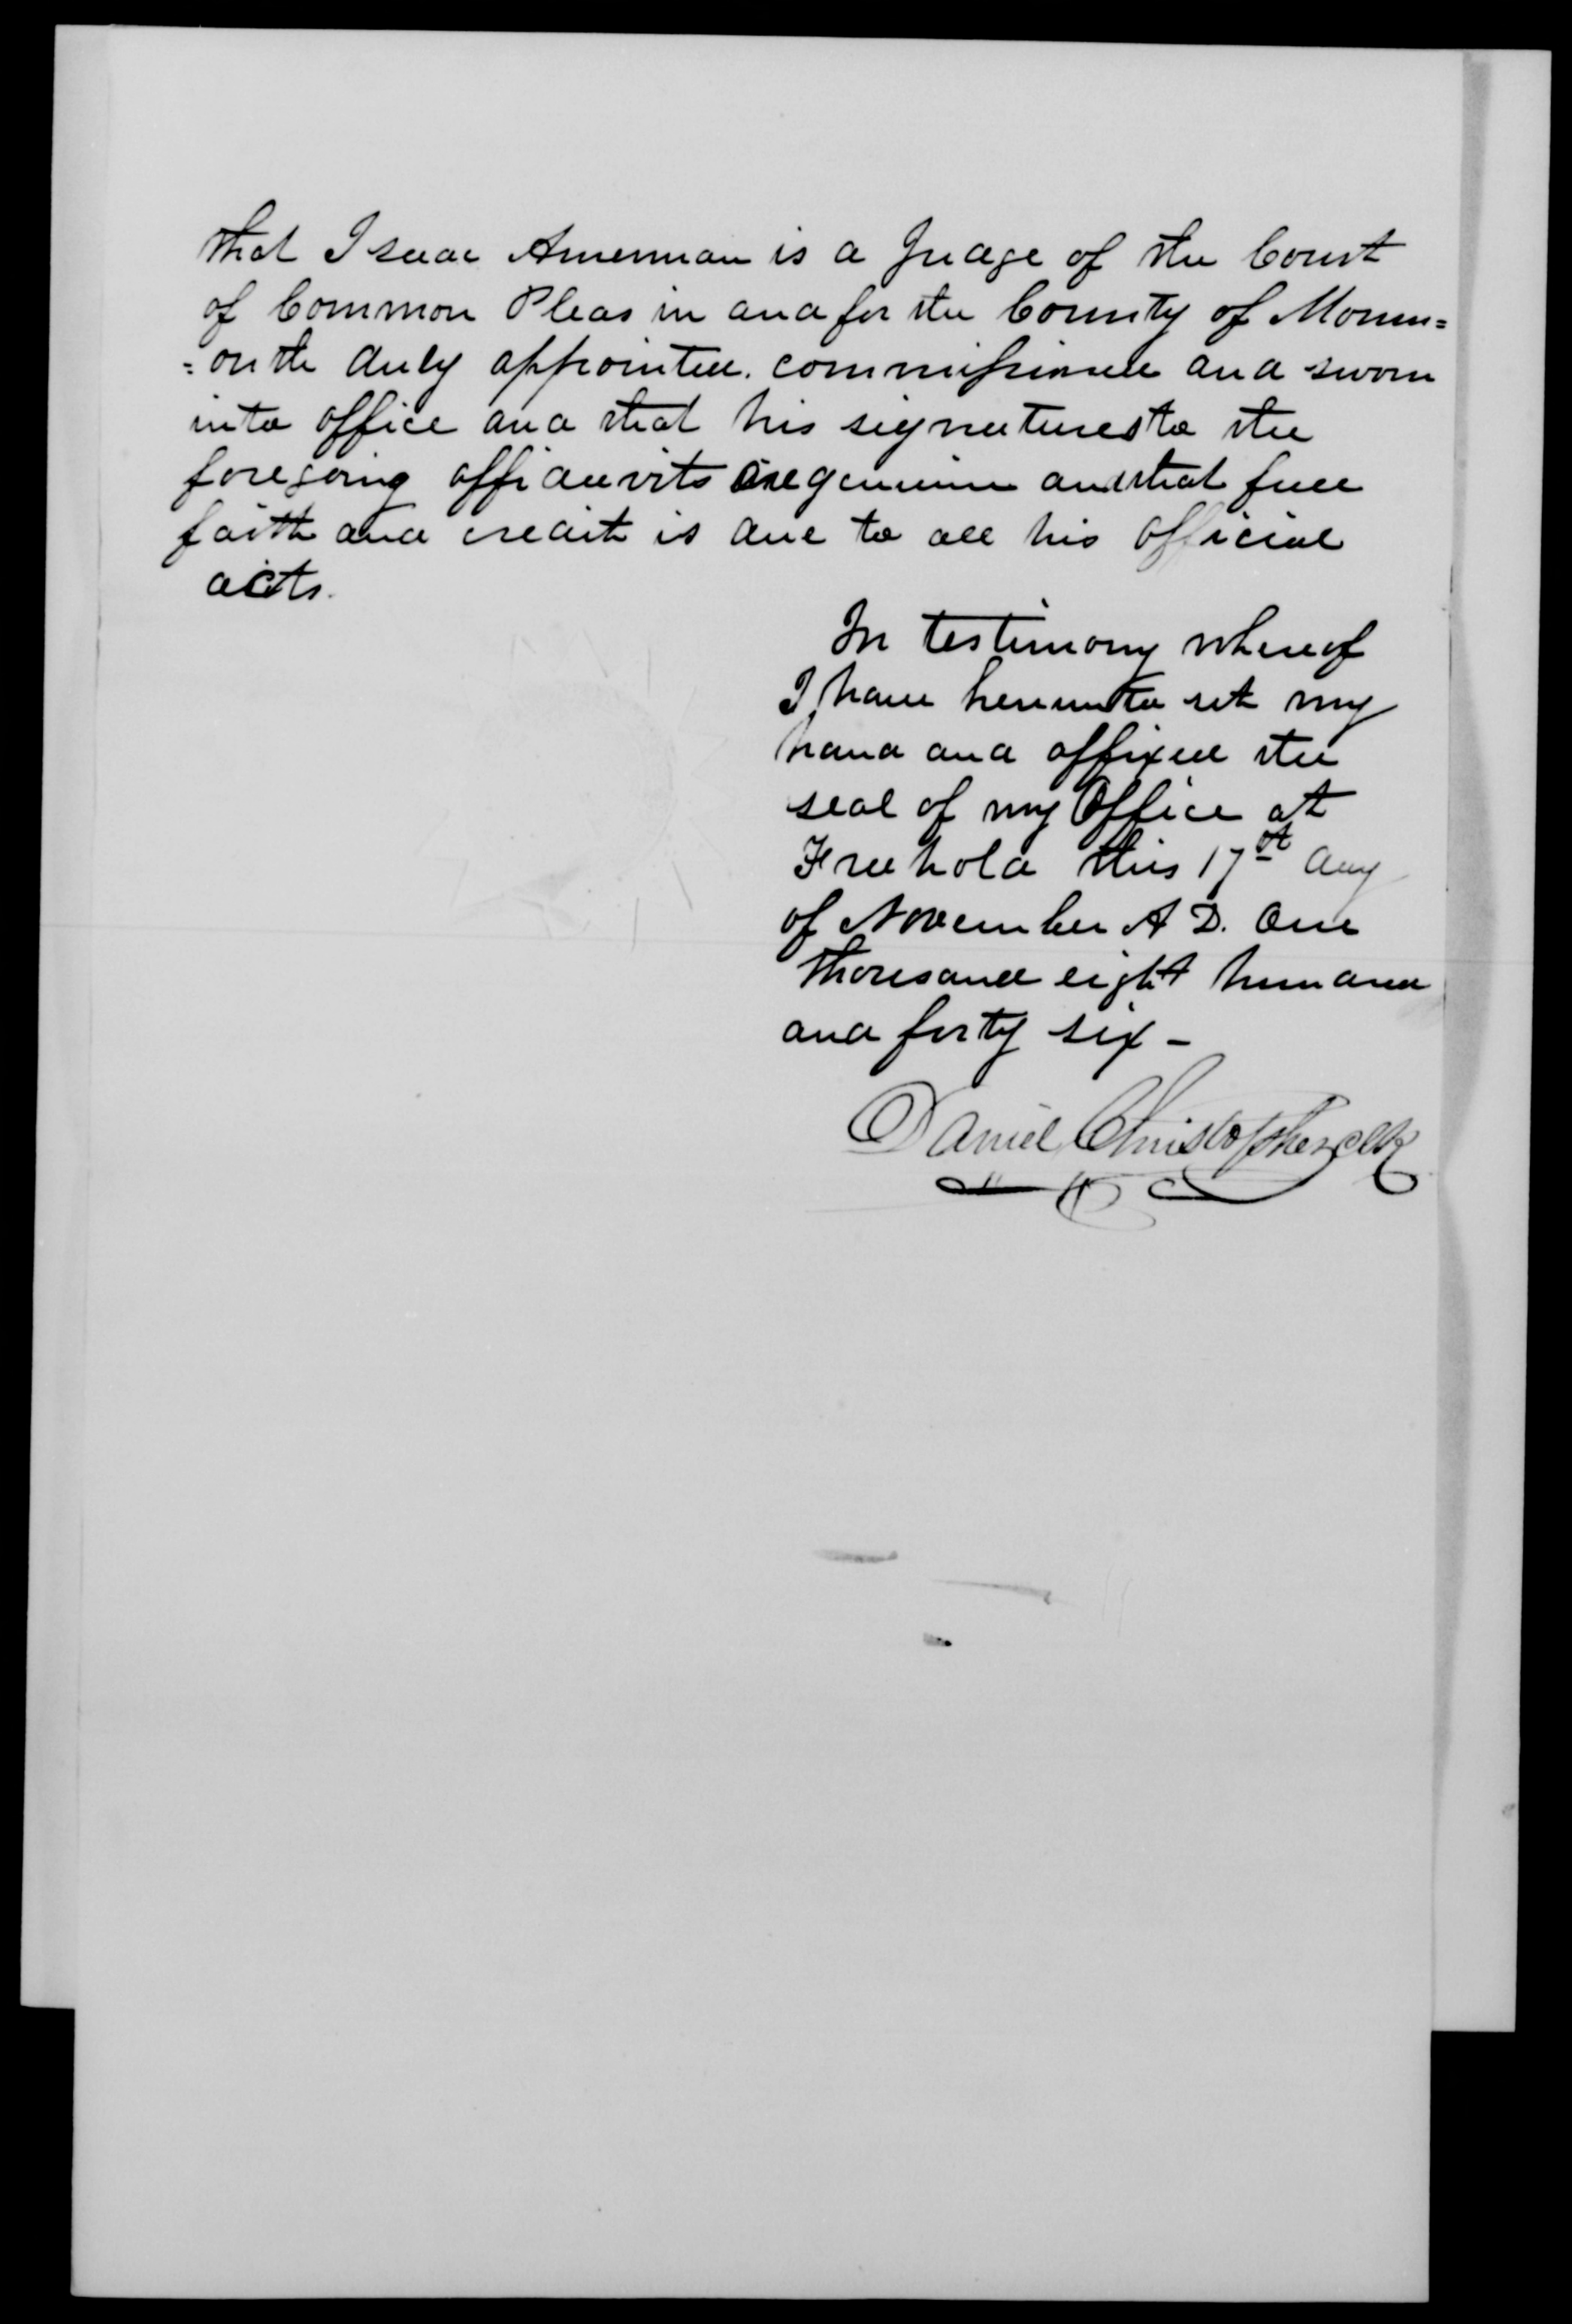that Isaac Amerman is a Judge of the Court of Common Pleas in and for the County of Monmouth duly appointed, commissioned and sworn into office and that his signatures to the foregoing affidavits are genuine and that full faith and credit is due to all his official acts.
In testimony whereof
I have hereunto set my
hand and affixed the
seal of my Office at
Freehold this 17th day
of November A D. One
thousand eight hundred
and forty six -
Daniel Christopher Clk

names: Isaac Amerman; Daniel Christopher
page: 22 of 33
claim: survivor's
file: S. 4,841, for James Sickles, New Jersey